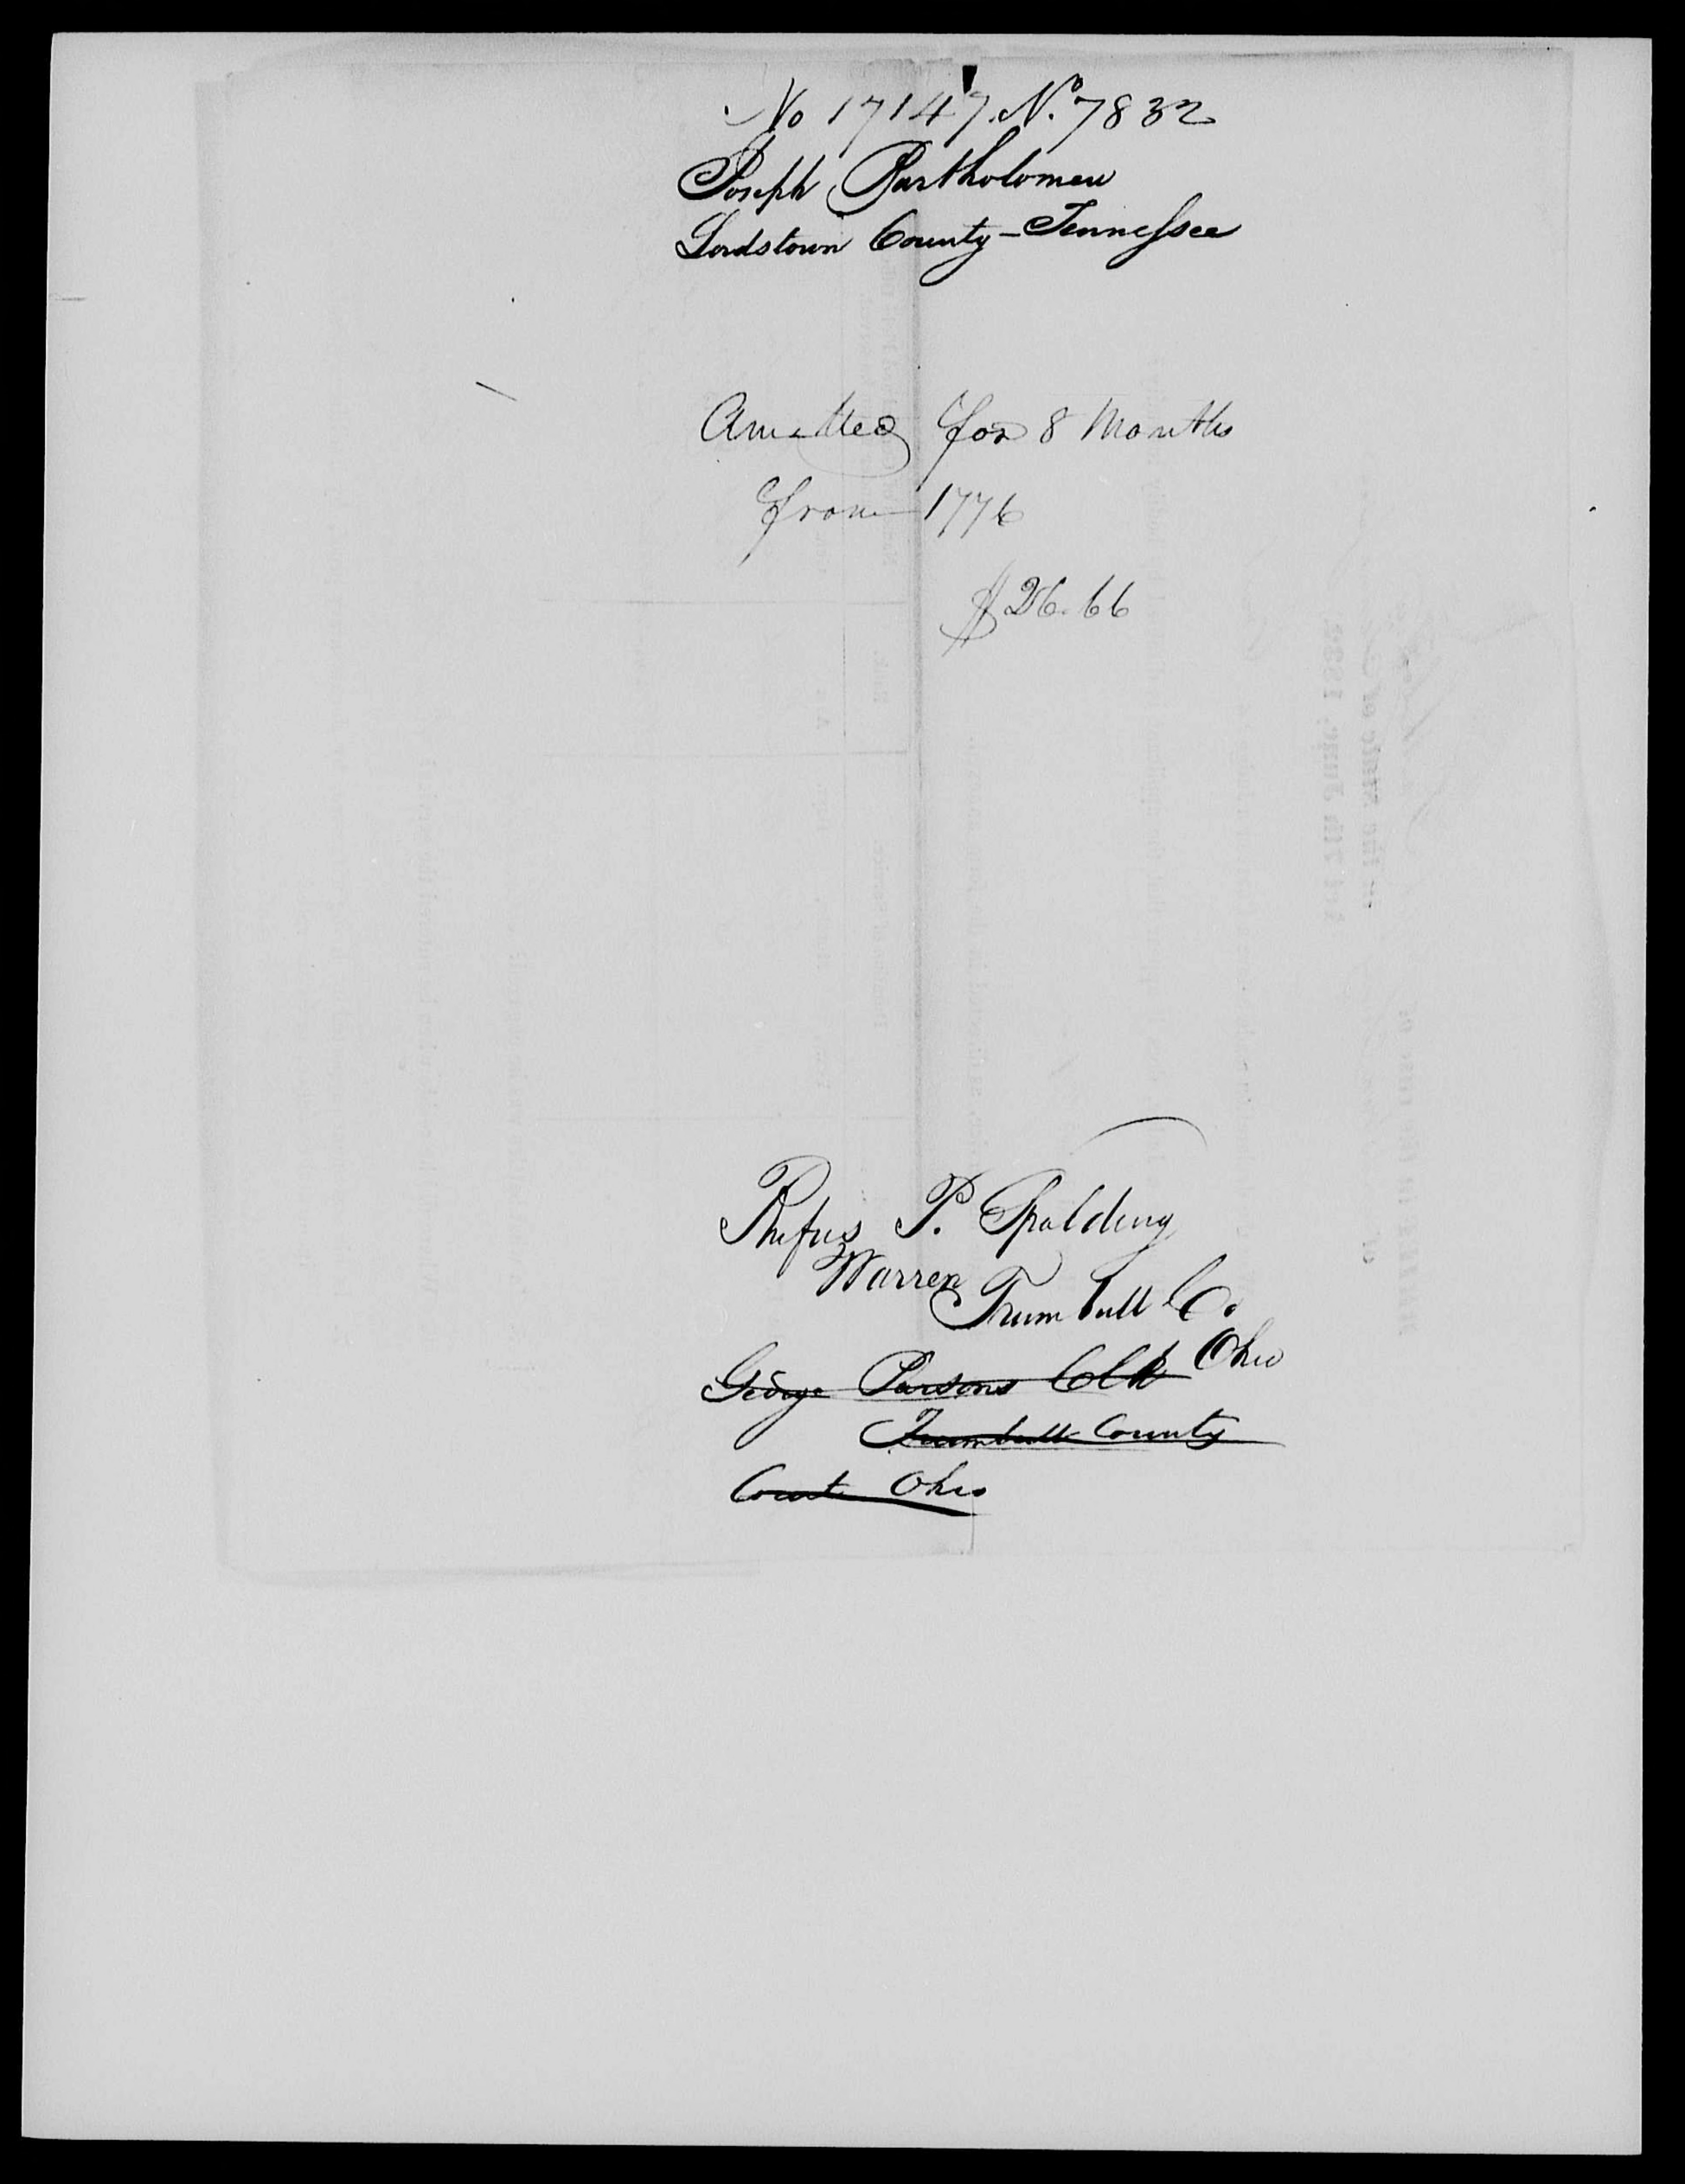No 17147. N. 7832
Joseph Bartholomew
Lordstown County - Tennessee
Admitted for 8 months
from 1776
$26.66

Rufus P. Spalding
Warren Trumbull Co. Ohio

[the following was crossed out]
George Parsons Clk
Trumbull County Court Ohio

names: Rufus P Spalding, Joseph Bartholomew, George Parsons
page: 5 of 76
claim: widow's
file: W. 9345, Joseph Bartholomew, Conn.